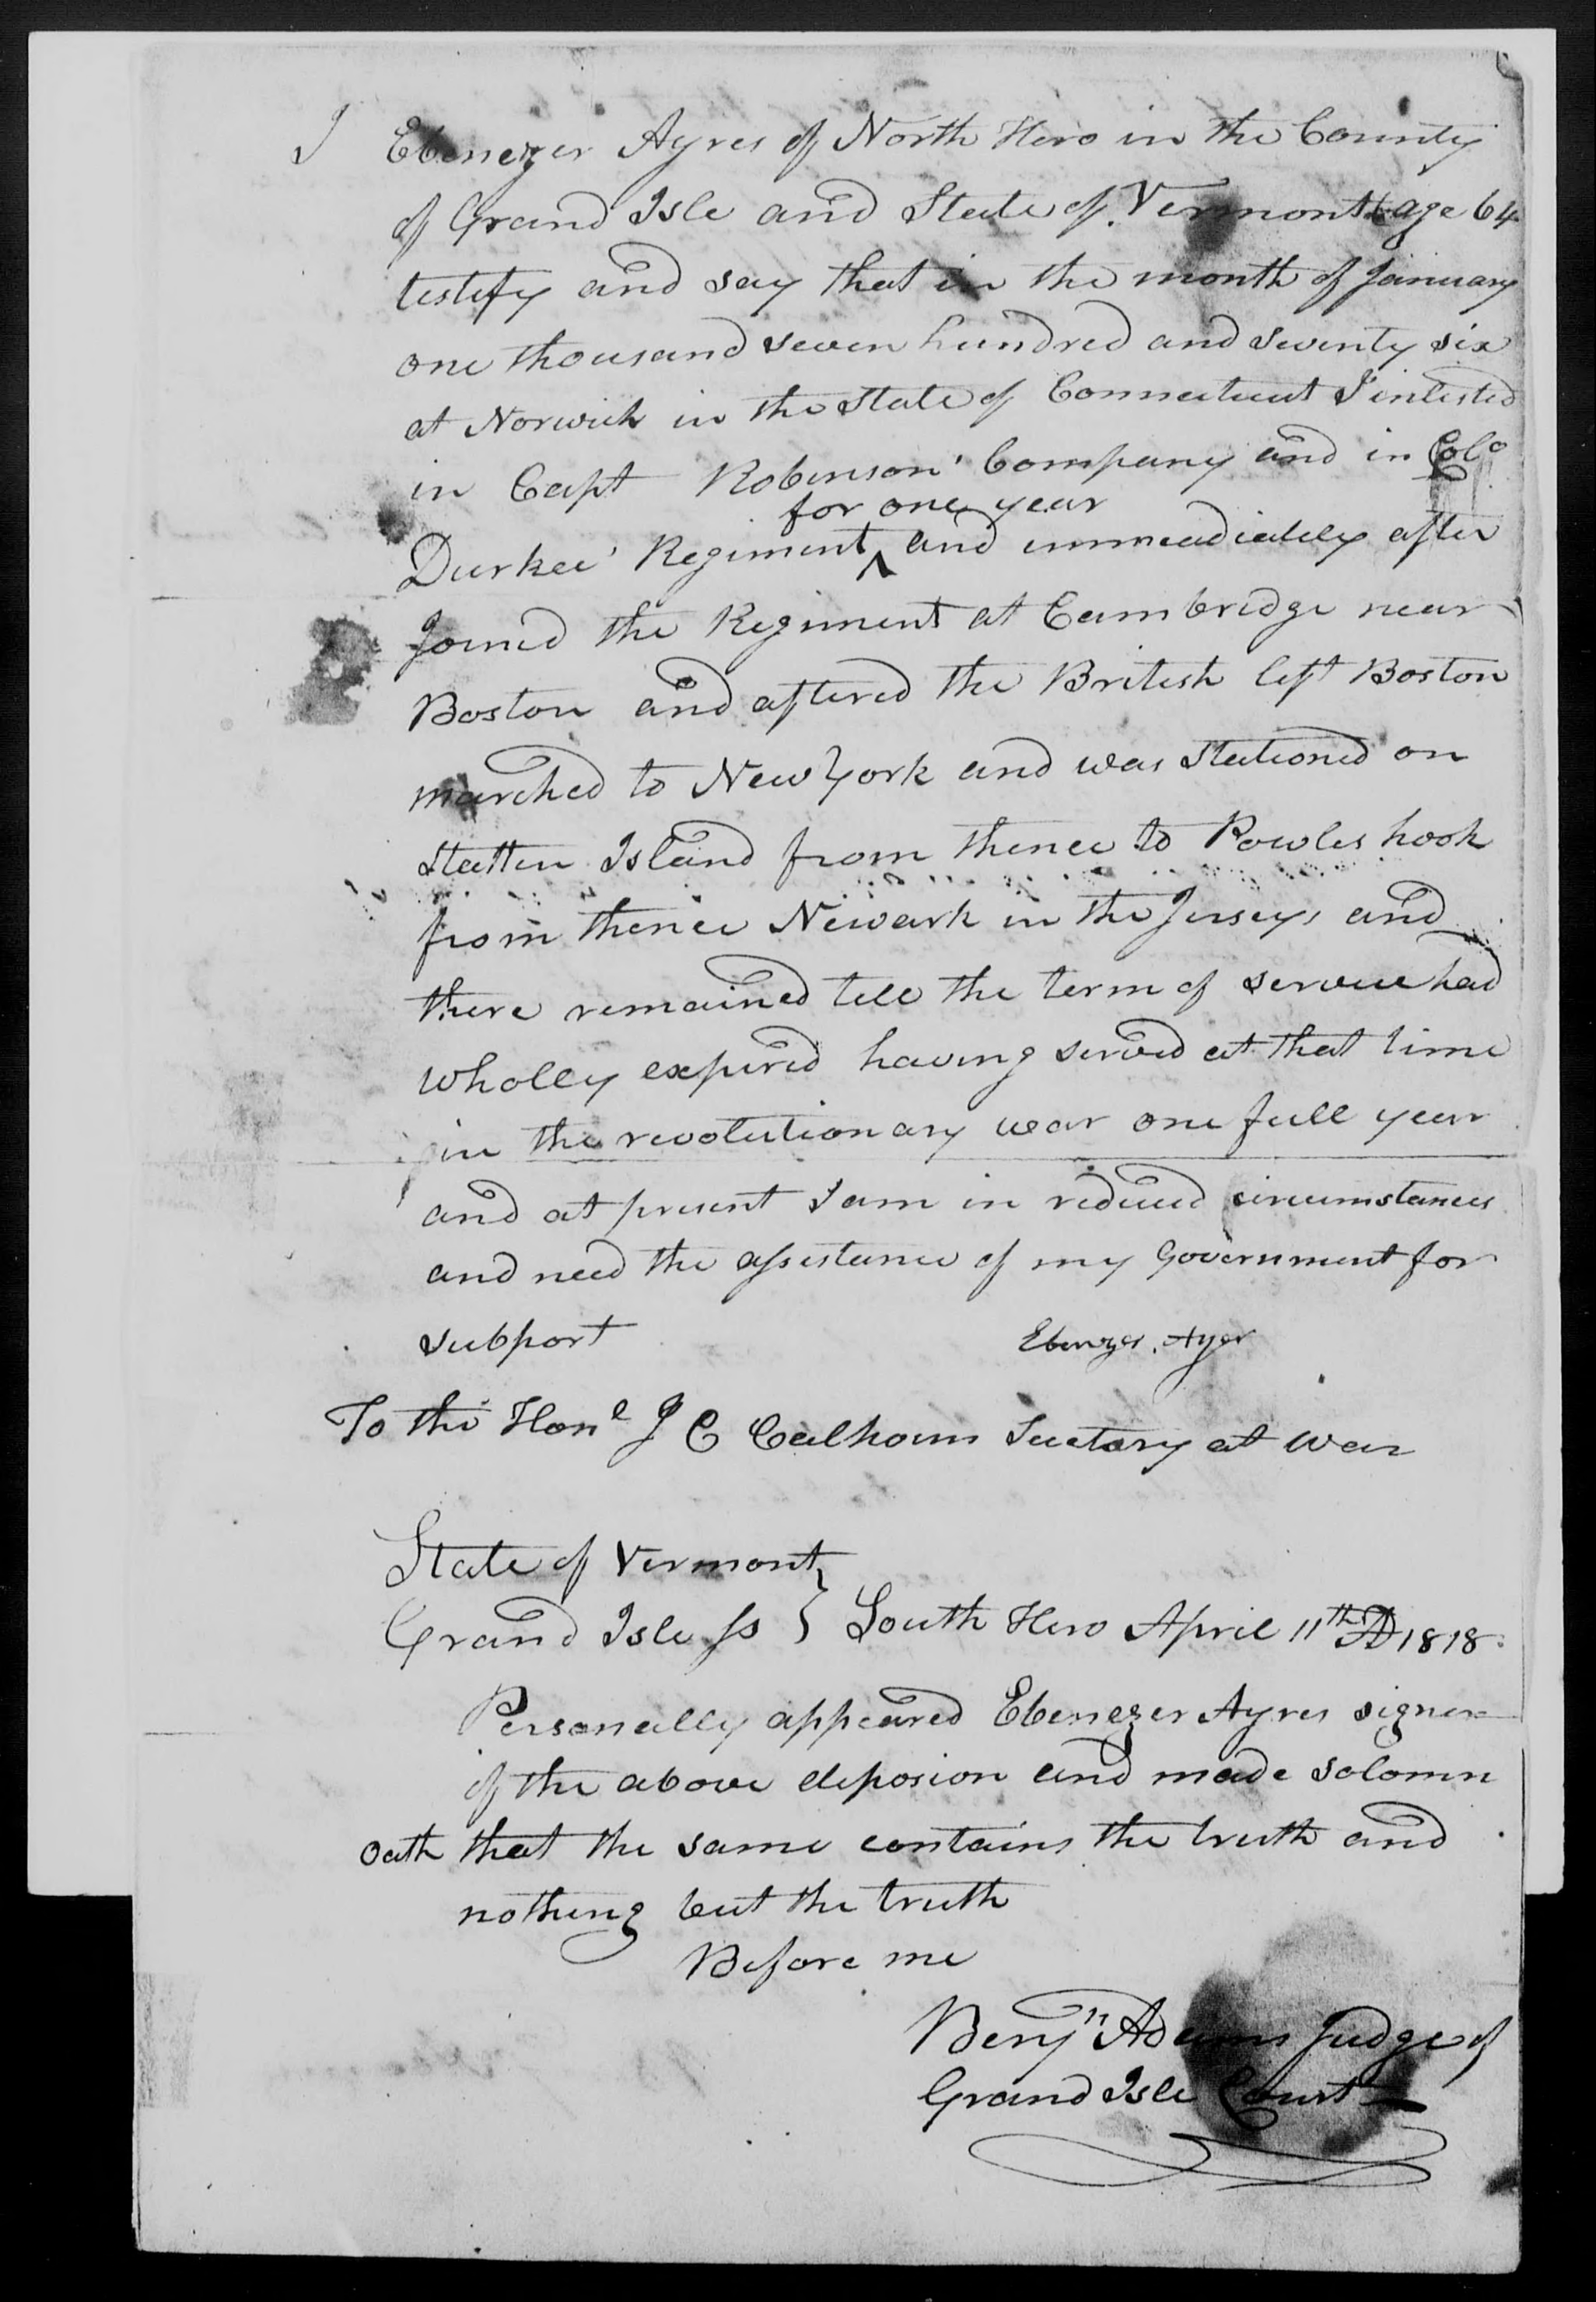I Ebenezer Ayres of North Hero in the County of Grand Isle and the State of Vermont age 64 testify and say that in the month of January one thousand seven hundred and seventy six at Norwich in the state of Connecticut I inlisted in Capt Robinson Company and in Colo Durkees' Regiment ^for one year and immediately after joined the Regiment at Cambridge near Boston and aftered the British left Boston marched to New York and was stationed on Staten Island from thence to Powles hook from thence Newark in the Jersey, and there remained till the term of service had wholly expired having served at that time in the revolutionary war one full year and at present I am in reduced circumstances and need the assistance of my government for support.
Ebenezer Ayre
To the Honl  J C Calhoun Secretary at War
State of Vermont}
Grand Isle ss}  South Hero April 11th  AD 1818
Personally appeared Ebenezer Ayres signer of the above deposition and made solemn that the same contains the truth and nothing but the truth 
Before me
Benj  Adams 
Judge of Grand Isle Court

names: Benjn Adams, Ebenezer Ayres, J C Calhoun, Ebenezer Ayres, Ebenzer Ayer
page: 3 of 50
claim: widow's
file: W. 8559, Ebenezer Ayer, Continental (Conn)